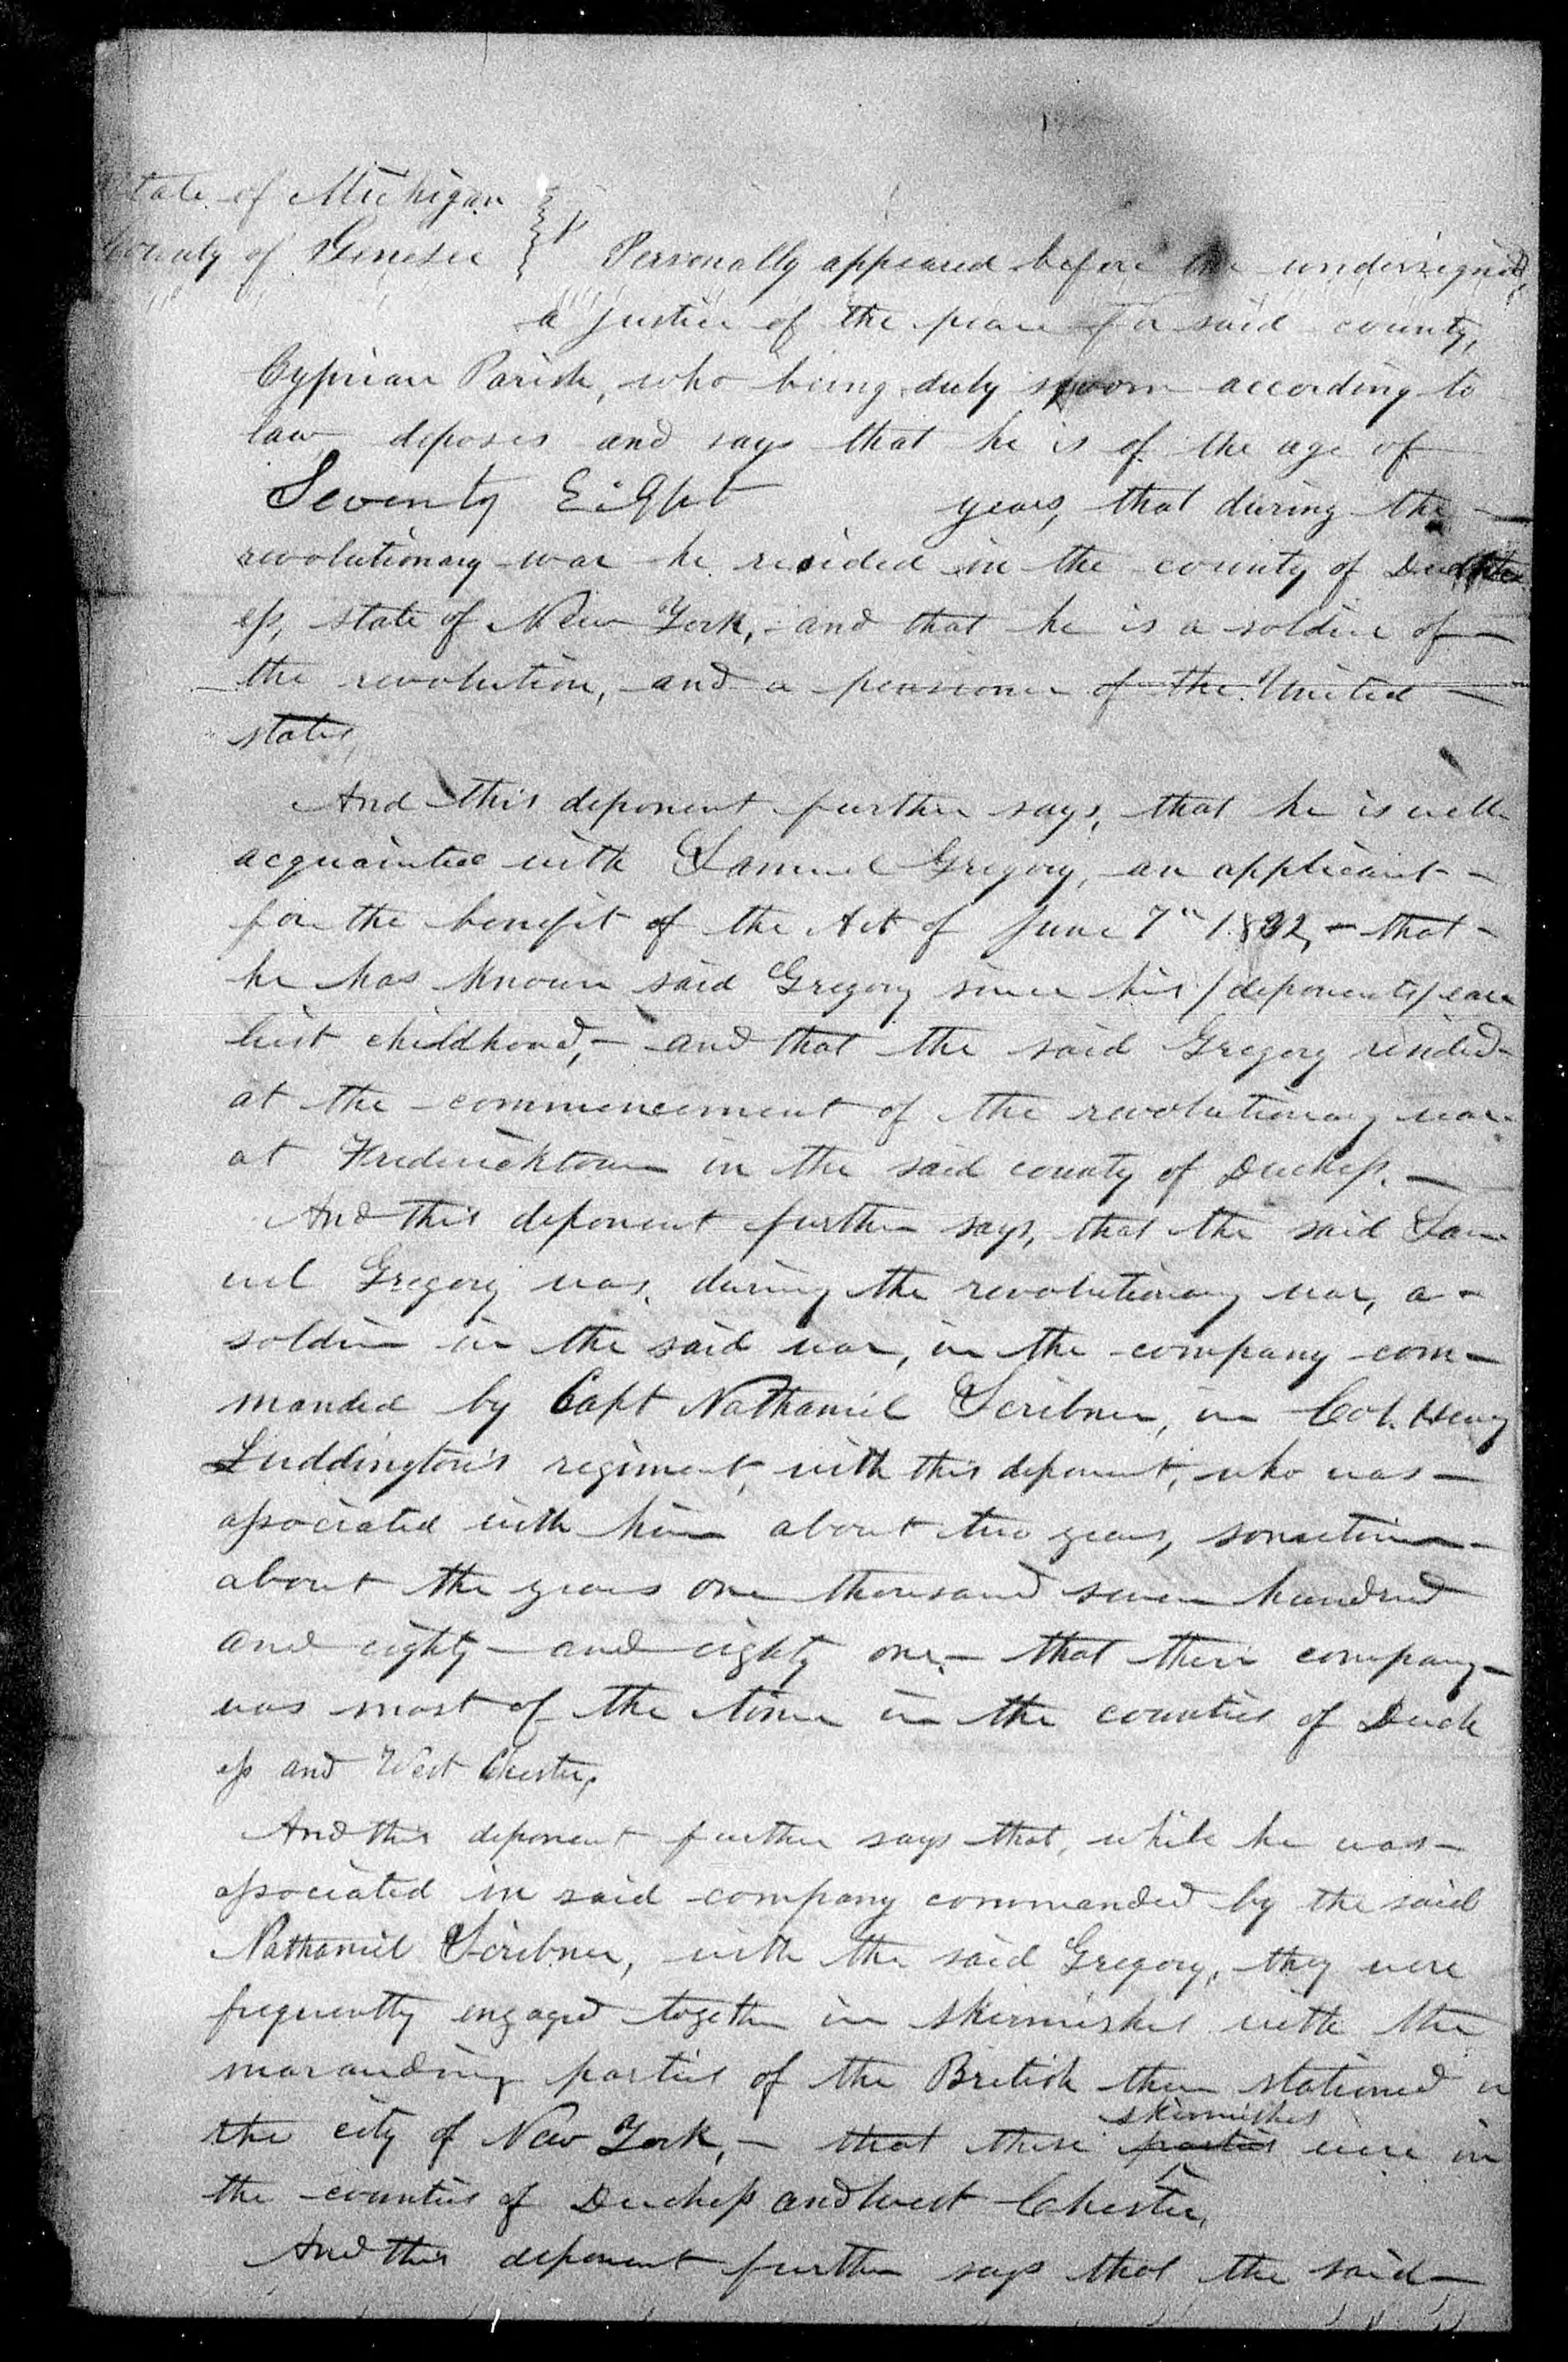State of Michigan
County of Genesee ss Personally appeared before the undersigned a justice of the peace of said county, Cyprian Parish, who being duly sworn according to law deposes and says that he is of the age of Seventy Eight years, that during the revolutionary war he resided in the county of Dutchess, State of New York, and that he is a soldier from the revolution, and a pensioner of the United States.

And this deponent further says, that he is well acquainted with Samuel Gregory, an applicant for the benefit of the Act of June 7th, 1832 - that he has known said Gregory since his/deponents earliest childhood, and that the said Gregory resided at the commencement of the revolutionary war at Frederickstown in the said county of Dutchess

And this deponent further says, that said Samuel Gregory was during the revolutionary War a soldier in the said war, in the company commanded by Capt Nathaniel Scribner, in Col Henry Ludingtons regiment with this deponent, who was associated with him about two years, [illegible] about the years one thousand seven hundred and eighty and eighty one that their company was most of the time in the counties of Dutchess and Westchester.

And this deponent further says that while he was associated in said company commanded by the said Nathaniel Scribner, with the said Gregory, they were frequently engaged together in skirmishes with the marauding parties of the British then stationed in the city of New York - that these skirmishes were in the counties of Dutchess and Westchester.

And that deponent further says that the said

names: Nathaniel Scribner, Gregory, Gregory, Samuel Gregory, Gregory, Nathaniel Scribner, Cyprian Parish, Samuel Gregory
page: 63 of 66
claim: rejected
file: R. 4298, Samuel Gregory, New York